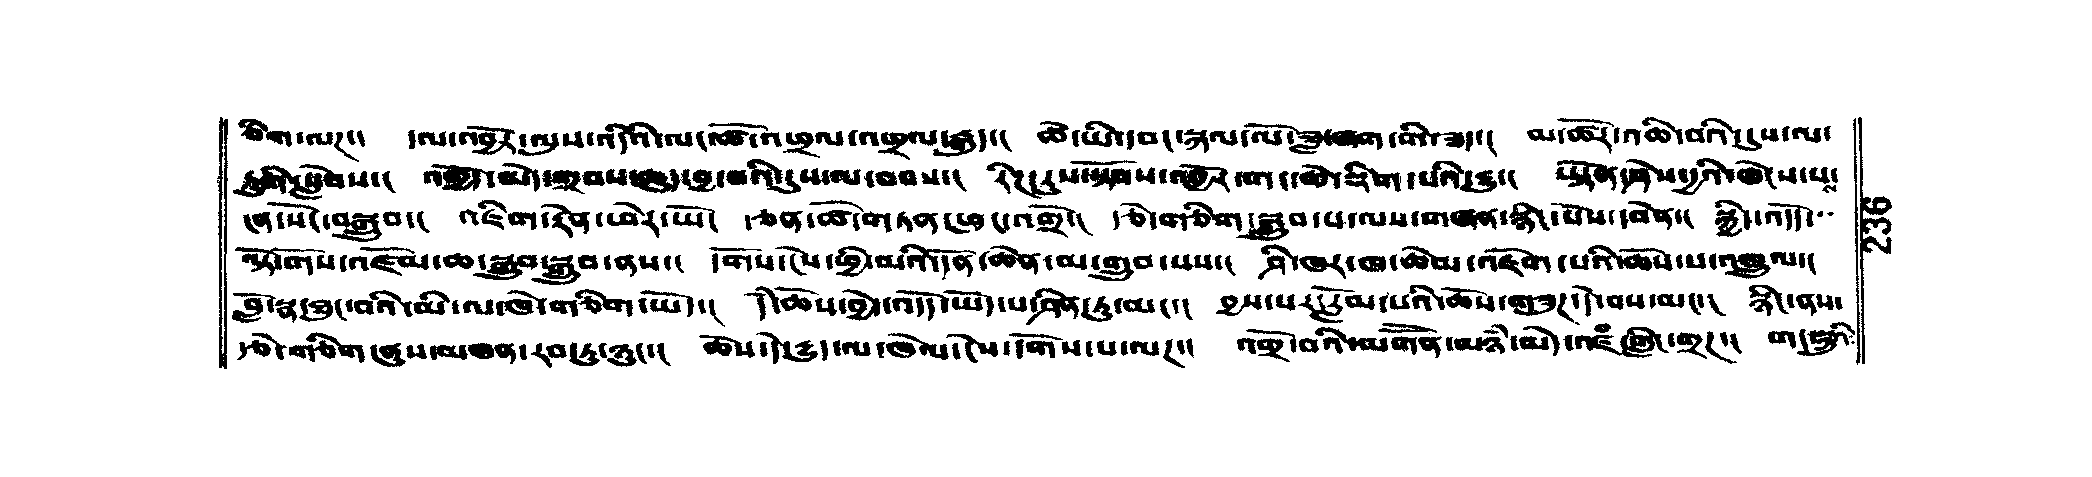གཅིག་ལགས། །དལ་འབྱོར་ལུས་འདིའི་ལང་ཚོ་འཕྲལ་འཕྲལ་རྒུད། །ཚེ་ཡི་དབང་སྐལ་ལོ་ཟླ་ཞག་གི་ཟད། །མ་ཚོར་འཆི་བའི་དུས་ལ་
ཏུག་གི་སླེབས། །འགྱོད་མེད་གྲབས་ཆུད་བྱ་བའི་དུས་ལ་བབས། །རིགས་རུས་སྟོབས་འབྱོར་གང་ཆེ་སྡིག་པའི་རྒྱུ། །ཡོན་ཏན་ཤེས་རྒྱའི་ཁེངས་པས་
ངན་སོང་བསྒྲུབ། །འཇིག་རྟེན་ཕེར་ཡོ་ཅན་ཚོ་གཏན་ཕུང་འགྲོ། །རྩེ་གཅིག་སྒྲུབ་པ་ལས་གཞན་སྙིང་པོས་དབེན། །སྐྱིད་འདོད་
ལྟོ་གོས་འཛོམ་ཚེ་སྒྲུབ་སྒྲུབ་ནས། །དགོས་ངེས་ཕྱི་མའི་དོན་ཆེན་མ་གྲུབ་པས། །ཤི་ཁར་ཁ་ཆེམས་འཇོག་པའི་ཆོས་པ་འཁྲུལ། །
བློ་སྣ་ཐུང་བའི་མི་ལ་ཁེ་གཅིག་ཡོད། །དམ་ཆོས་བྱེད་འདོད་ཡོད་པ་ཤིན་ཏུ་མང་། །བྱས་པར་རློམ་པའི་ཆོས་གཟུགས་དེ་བས་མང་། །སྙིང་ནས་
རྩེ་གཅིག་ནུས་མཁན་རབ་ཏུ་ཉུང་། །ཆོས་དེ་རྒྱུད་ལ་ཁེལ་ངེས་དགོས་པ་ལགས། །འགྲོ་བའི་མགོན་པོ་མཉམ་མེད་འཛམ་གླིང་གྲགས། །གང་སྐུའི་